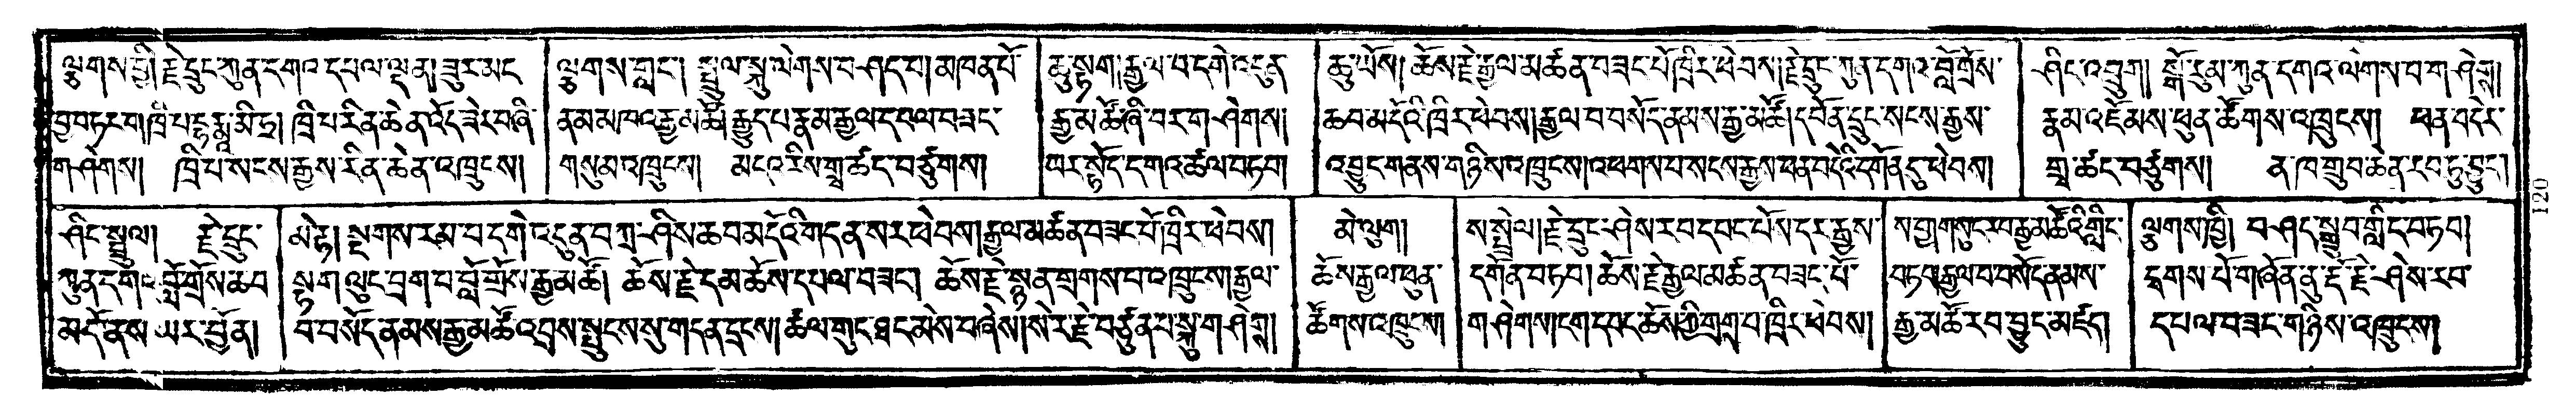ལྕགས་བྱི། རྗེ་དྲུང་ཀུན་དགའ་དཔལ་ལྡན། ཟུར་མང་ལྕགས་གླང་། སྤྲུལ་སྐུ་ལེགས་བཤད་པ། མཁན་པོ་ཆུ་སྟག། རྒྱལ་བ་དགེ་འདུན་ཆུ་ཡོས། ཆོས་རྗེ་རྒྱལ་མཚན་བཟང་པོ་ཁྲིར་ཕེབས། རྗེ་དྲུང་ཀུན་དགའ་བློ་གྲོས་ཤིང་འབྲུག །སྒོ་རུམ་ཀུན་དགའ་ལེགས་པ་གཤེགས།
བྱ་བཏང་བ། ཁྲི་པདྷ་རྨཱ་མི་ཧྲ། ཁྲི་པ་རིན་ཆེན་འོད་ཟེར་བཞི་ནམ་མཁའ་རྒྱ་མཚོ། རྒྱུད་པ་རྣམས་རྒྱལ་དཔལ་བཟང་རྒྱ་མཚོ་ཞི་བར་གཤེགས། ཆབ་མདོའི་ཁྲིར་ཕེབས། རྒྱལ་བ་བསོད་ནམས་རྒྱ་མཚོ། དཔོན་དྲུང་སངས་རྒྱས་རྣམ་འཇོམས་ཕུན་ཚོགས་འཁྲུངས། ཕན་བདེར་
གཤེགས། ཁྲི་པ་སངས་རྒྱས་རིན་ཆེན་འཁྲུངས། གསུམ་འཁྲུངས། མདའ་རིས་གྲྭ་ཚང་བཙུགས། ཡང་སྟོད་དགའ་ཚལ་བཏབ། འབྱུང་གནས་གཉིས་འཁྲུངས། འཕགས་པ་སངས་རྒྱས་ཕན་བདེའི་དགོན་དུ་ཕེབས། གྲྭ་ཚང་བཙུགས། ན་ཁ་གྲུབ་ཆེན་རབ་ཏུ་བྱུང་།
ཤིང་སྤྲུལ། རྗེ་དྲུང་མེ་རྟ། སྔགས་རམ་པ་དགེ་འདུན་བཀྲ་ཤིས་ཆབ་མདོའི་གདན་སར་ཕེབས། རྒྱལ་མཚན་བཟང་པོ་ཁྲིར་ཕེབས། མེ་ལུག། ས་སྤྲེལ། རྗེ་དྲུང་ཤེས་རབ་དབང་པོས་དར་རྒྱས་ས་བྱ། གསུང་རབ་རྒྱ་མཚོའི་གླིང་ལྕགས་ཁྱི། བཤད་སྒྲུབ་གླིང་བཏབ།
ཀུན་དགའ་བློ་གྲོས་ཆབ་སྟག་ལུང་བྲག་པ་བློ་གྲོས་རྒྱ་མཚོ། ཆོས་རྗེ་དམ་ཆོས་དཔལ་བཟང་། ཆོས་རྗེ་སྙན་གྲགས་པ་འཁྲུངས། རྒྱལ་ཆོས་རྒྱལ་ཕུན་དགོན་བཏབ། ཆོས་རྗེ་རྒྱལ་མཚན་བཟང་པོ་བཏབ་རྒྱལ་བ་བསོད་ནམས་དྲགས་པོ་གཞོན་ནུ་རྡོ་རྗེ་ཤེས་རབ་
མདོ་ནས་ཡར?་བྱོན། བ་བསོད་ནམས་རྒྱ་མཚོ་འབྲས་སྤུངས་སུ་གདན་དྲངས། ཚལ་གུང་ཐང་མེས་བཞེས། སེར་རྗེ་བཙུན་པ་སྐུ་གཤེགས། ཚོགས་འཁྲུངས། གཤེགས། ངག་དབང་ཆོས་ཀྱི་གྲགས་པ་ཁྲིར་ཕེབས། རྒྱ་མཚོ་རབ་བྱུང་མཛད། དཔལ་བཟང་གཉིས་འཁྲུངས།